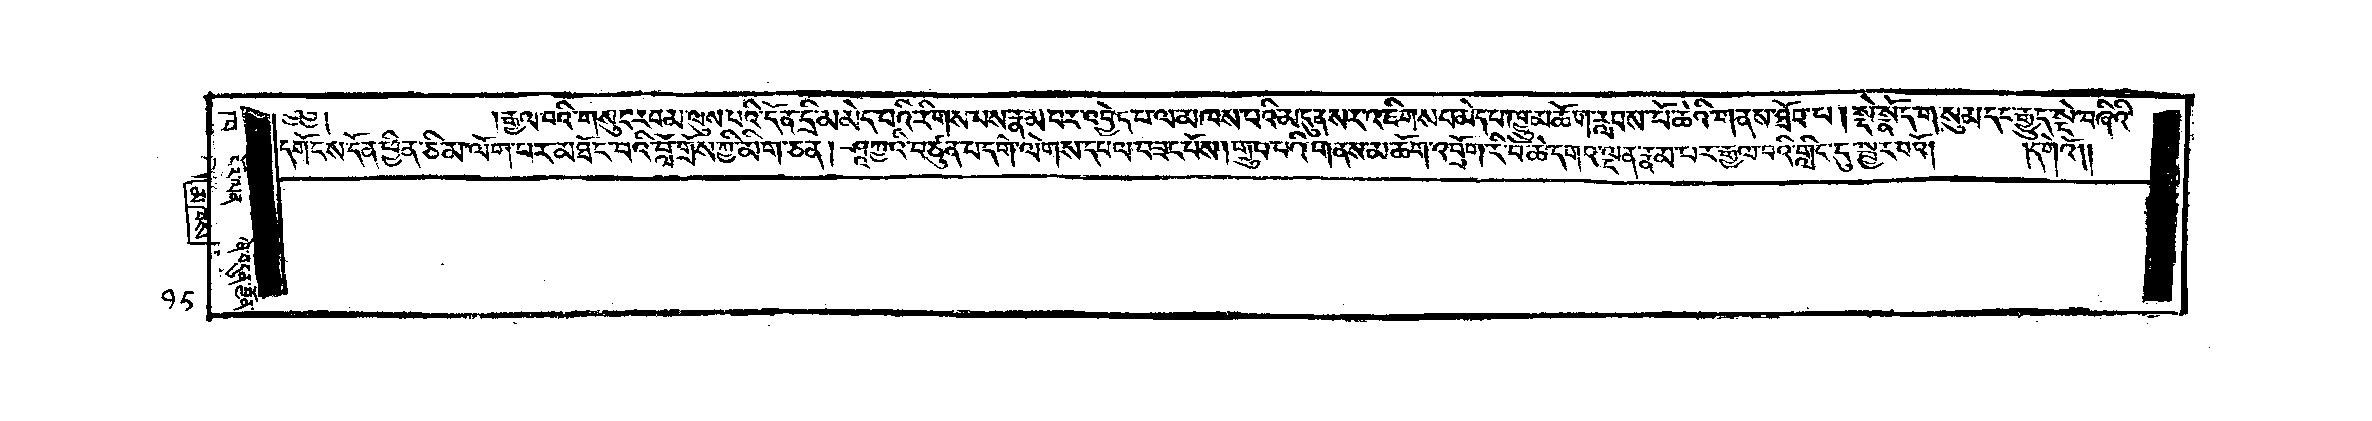༄༅། །རྒྱལ་བའི་གསུང་རབ་མ་ལུས་པའི་དོན་དྲི་མ་མེད་པའི་རིགས་པས་རྣམ་པར་འབྱེད་པ་ལ་མཁས་པའི་མདུན་སར་འཇིགས་པ་མེད་པ་ཁྱུ་མཆོག་རླབས་པོ་ཆེའི་གནས་ཐོབ་པ། སྡེ་སྣོད་གསུམ་དང་རྒྱུད་སྡེ་བཞིའི་
དགོངས་དོན་ཕྱིན་ཅི་མ་ལོག་པར་མཐོང་བའི་བློ་གྲོས་ཀྱི་མིག་ཅ་ན། ཤའྐྱ་བཙུན་པ་དགེ་ལེགས་དཔལ་བཟང་པོས།གྲུབ་པའི་གནས་མཆོག་འབྲོག་རི་བོ་ཆེ་དགའ་ལྡན་རྣམ་པར་རྒྱལ་བའི་གླིང་དུ་སྦྱར་བའོ། །དགེའོ།